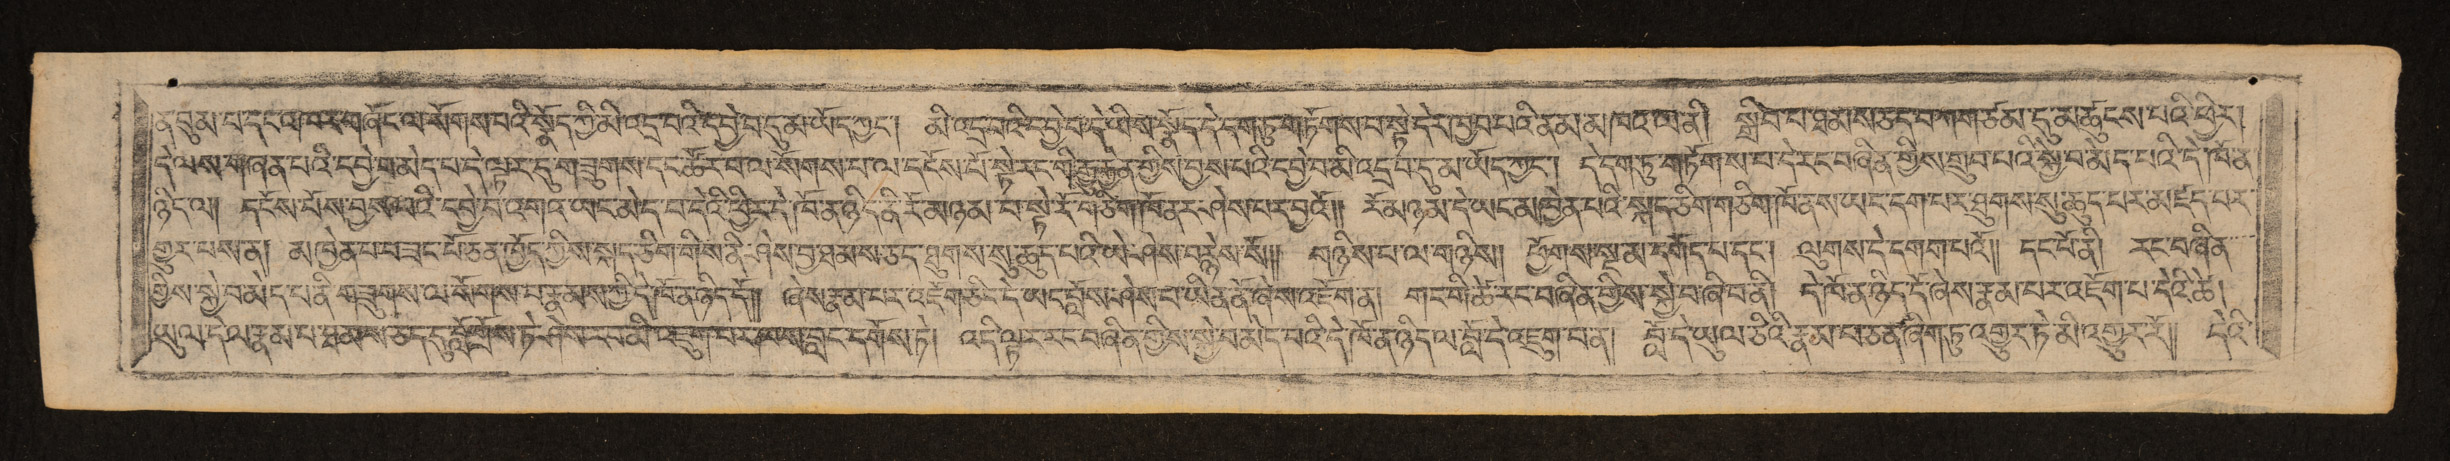ན་བུམ་པ་དང་འཁར་གཞོང་ལ་སོགས་པའི་སྣོད་ཀྱི་མི་འདྲ་བའི་དབྱེ་བ་དུ་མ་ཡོད་ཀྱང་། མི་འདྲ་བའི་དབྱེ་བ་དེ་ཡིས་སྣོད་དེ་དག་ཏུ་གཏོགས་པ་སྟེ་དེར་ཁྱབ་པའི་ནམ་མཁའ་ལ་ནི། སྒྲིབ་པ་ཐམས་ཅད་བཀག་ཙམ་དུ་མཚུངས་པའི་ཕྱིར།
དེ་ལས་གཞན་པའི་དབྱེ་བ་མེད་པ་དེ་ལྟར་དུ་གཟུགས་དང་ཚོར་བ་ལ་སོགས་པ་ལ་དངོས་པོ་སྟེ་རང་གི་རྒྱུ་རྐྱེན་གྱིས་བྱས་པའི་དབྱེ་བ་མི་འདྲ་བ་དུ་མ་ཡོད་ཀྱང་། དེ་དག་ཏུ་གཏོགས་པ་དེ་རང་བཞིན་གྱིས་གྲུབ་པའི་སྐྱེ་བ་མེད་པའི་དེ་ཁོ་ན་
ཉིད་ལ། དངོས་པོས་བྱས་པའི་དབྱེ་བ་འགའ་ཡང་མེད་པ་དེའི་ཕྱིར་དེ་ཁོ་ན་ཉིད་ནི་རོ་མཉམ་པ་སྟེ་རོ་གཅིག་ཁོ་ནར་ཤེས་པར་བྱའོ།། རོ་མཉམ་དེ་ཡང་མཁྱེན་པའི་སྐད་ཅིག་གཅིག་ཁོ་ནས་ཡང་དག་པར་ཐུགས་སུ་ཆུད་པར་མཛད་པར་
གྱུར་པས་ན། མཁྱེན་པ་བཟང་པོ་ཅན་ཁྱོད་ཀྱིས་སྐད་ཅིག་གིས་ནི་ཤེས་བྱ་ཐམས་ཅད་ཐུགས་སུ་ཆུད་པའི་ཡེ་ཤེས་བརྙེས་སོ།། གཉིས་པ་ལ་གཉིས། ཕྱོགས་སྔ་མ་དགོད་པ་དང་། ལུགས་དེ་དགག་པའོ།། དང་པོ་ནི། རང་བཞིན་
གྱིས་སྐྱེ་བ་མེད་པ་ནི་གཟུགས་ལ་སོགས་པ་རྣམས་ཀྱི་དེ་ཁོ་ན་ཉིད་དོ།། ཞེས་རྣམ་པར་འཇོག་ཅིང་དེ་ཡང་བློས་ཤེས་པ་ཡིན་ནོ་ཞེས་འཇོག་ན། གང་གི་ཚེ་རང་བཞིན་གྱིས་སྐྱེ་བ་ཞི་བ་ནི། དེ་ཁོ་ན་ཉིད་དོ་ཞེས་རྣམ་པར་འཇོག་པ་དེའི་ཚེ།
ཡུལ་དེ་ལ་རྣམ་པ་ཐམས་ཅད་དུ་བློ་གྲོས་ཏེ་ཤེས་རབ་མི་འཇུག་པར་ཁས་བླང་དགོས་ཏེ། འདི་ལྟར་རང་བཞིན་གྱིས་སྐྱེ་བ་མེད་པའི་དེ་ཁོ་ན་ཉིད་ལ་བློ་དེ་འཇུག་པ་ན། བློ་དེ་ཡུལ་ཅིའི་རྣམ་པ་ཅན་ཞིག་ཏུ་འགྱུར་ཏེ་མི་འགྱུར་རོ།། དེའི་